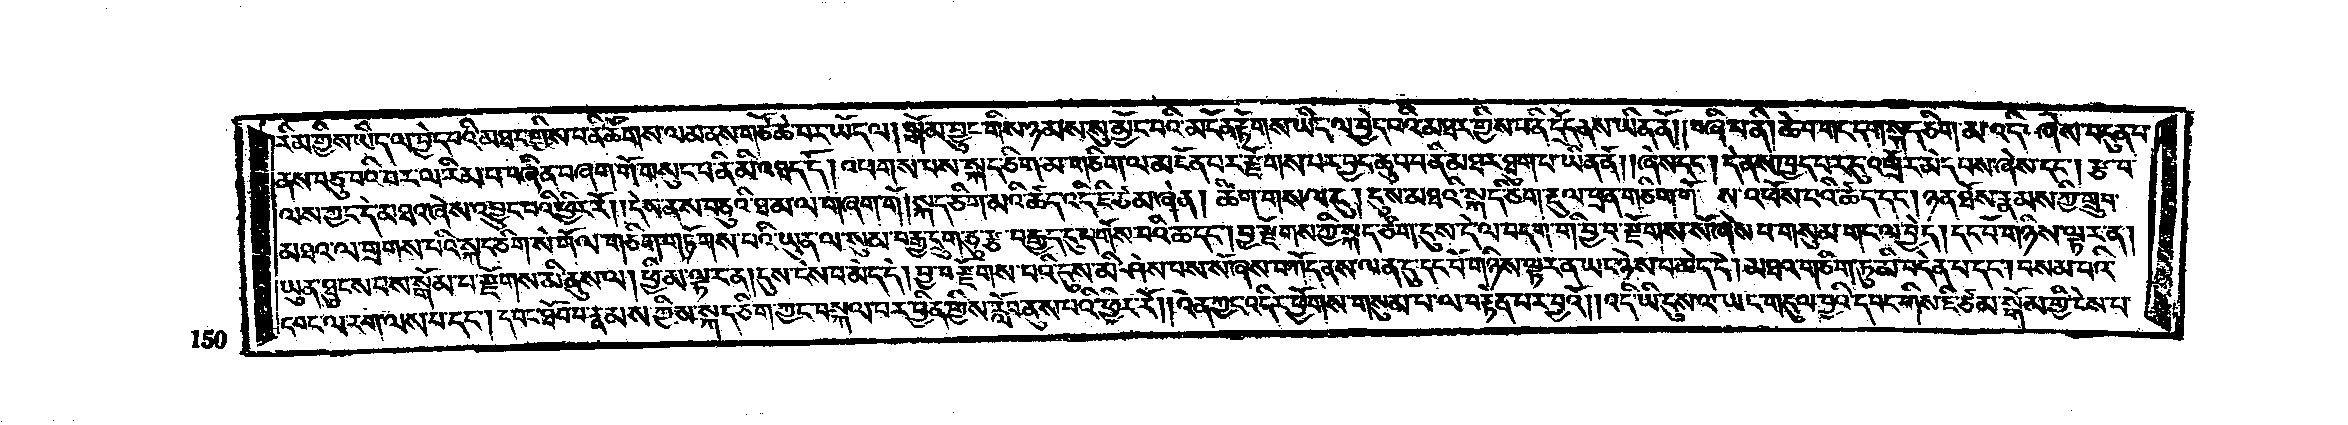རིམ་གྱིས་ཡིད་ལ་བྱེད་པའི་མཐར་གྱིས་པ་ནི་ཚོགས་ལམ་ནས་གཙོ་ཆེ་བར་ཡོད་ལ། སྒོམ་བྱུང་གིས་ཉམས་སུ་མྱོང་བའི་མངོན་རྟོགས་ཡིད་ལ་བྱེད་པའི་མཐར་གྱིས་པ་ནི་དྲོད་ནས་ཡིན་ནོ། །བཞི་པ་ནི། ཆེ་བ་གང་དག་སྐད་ཅིག་མ་འདི་བཞི་ས་བདུན་པ་
ནས་བཅུ་པའི་བར་ལ་རིམ་པ་བཞིན་བཞག་གོ་གསུང་པ་ནི་མི་འཐད་དེ། འཕགས་པས་སྐད་ཅིག་མ་གཅིག་ལ་མངོན་པར་རྫོགས་པར་བྱང་ཆུབ་པ་ནི་མཐར་ཐུག་པ་ཡིན་ནོ། །ཞེས་དང་། དེ་ནས་ཁྱད་པར་དུ་འགྲོར་མེད་པས་ཞེས་དང་། རྩ་བ་
ལས་ཀྱང་དེ་མཐའ་ཞེས་འབྱུང་བའི་ཕྱིར་རོ། །དེས་ན་ས་བཅུའི་ཐ་མ་ལ་གཞག་གོ །སྐད་ཅིག་མའི་ཚད་འདི་ཇི་ཙམ་ཞེ་ན། ཚིག་གསལ་དུ། དུས་མཐའི་སྐད་ཅིག་རྡུལ་ཕྲན་གཅིག་གོ་ས་འཕོས་པའི་ཚད་དང་། ཉན་ཐོས་རྣམས་ཀྱི་གྲུབ་
མཐའ་ལ་གྲགས་པའི་སྐད་ཅིག་སེ་གོལ་གཅིག་གཏོགས་པའི་ཡུན་ལ་སུམ་བརྒྱ་དྲུག་ཅུ་རྩ་བརྒྱད་དུ་བགོས་པའི་ཆ་དང་། བྱ་རྫོགས་ཀྱི་སྐད་ཅིག་དུས་དེ་ལ་བདག་གི་བྱ་བ་རྫོགས་སོ་ཞེས་པ་གསུམ་གང་ལ་བྱེད། དང་པོ་གཉིས་ལྟར་ན།
ཡུན་ཐུངས་པས་སྒོམ་པ་རྫོགས་མི་ནུས་ལ། ཕྱི་མ་ལྟར་ན། དུས་ངེས་པ་མེད་དེ། བྱ་བ་རྫོགས་པའི་དུས་མི་ཤེས་པས་སོ་ཞེས་བཀོད་ནས་ལན་དུ་དང་པོ་གཉིས་ལྟར་ན་ཡང་ཉེས་པ་མེད་དེ། མཐའ་གཅིག་ཏུ་མི་བདེན་པ་དང་། བསམ་པའི་
དབང་ལ་རག་ལས་པ་དང་། དབང་ཐོབ་པ་རྣམས་ཀྱིས་སྐད་ཅིག་ཀྱང་བསྐལ་པར་བྱིན་གྱིས་རློབ་ནུས་པའི་ཕྱིར་རོ། །འོན་ཀྱང་འདིར་ཕྱོགས་གསུམ་པ་ལ་བརྟེན་པར་བྱའོ། །འདི་ཡི་དུས་ལ་ཡང་གདུལ་བྱའི་དབང་གིས་ཇི་ཙམ་སྒོམ་གྱི་ངེས་པ་